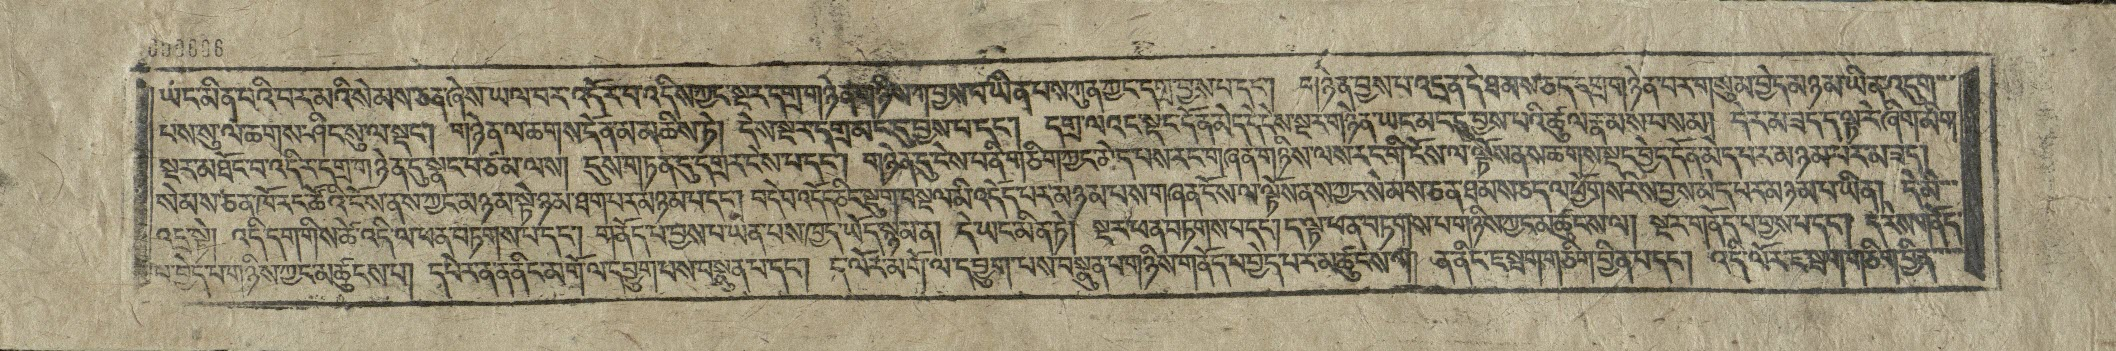ཡང་མིན་པའི་བར་མའི་སེམས་ཅན་ཞེས་ཡལ་བར་འདོར་བ་འདིས་ཀྱང་སྔར་དགྲ་གཉེན་གཉིས་ཀ་བྱས་པ་ཡིན་པས་ཀུན་ཀྱང་དགྲ་བྱས་པ་དང་། གཉེན་བྱས་པ་འདྲ་ན་དེ་ཐམས་ཅད་དགྲ་གཉེན་བར་གསུམ་བྱེད་མཉམ་ཡན་འདུག་
པས་སུ་ལ་ཆགས་ཤིང་སུ་ལ་སྡང་། གཉེན་ལ་ཆགས་དོན་མ་མཆིས་ཏེ། དེས་སྔར་དགྲ་མང་དུ་བྱས་པ་དང་། དགྲ་ལའང་སྡང་དོན་མེད་དེ་དེས་སྔར་གཉེན་ཡང་མང་དུ་བྱས་པའི་ཚུལ་རྣམས་བསམ། དེར་མ་ཟད་ད་ལྟ་རེ་ཞིག་མིག་
སྔར་མཐོང་བ་འདིར་དགྲ་གཉེན་དུ་སྣང་བ་ཙམ་ལས། དུས་གཏན་དུ་དགྲར་ངེས་པ་དང་། གཉེན་དུ་ངེས་པ་ནི་གཅིག་ཀྱང་མེད་པས་རང་གཞན་གཉིས་ལས་རང་གི་ངོས་ལ་ལྟོས་ནས་ཆགས་སྡང་བྱེད་དོན་མེད་པར་མཉམ་པར་མ་ཟད།
སེམས་ཅན་ཁོ་རང་ཚོའི་ངོས་ནས་ཀྱང་མཉམ་སྟེ་ཉམ་ཐག་པར་མཉམ་པ་དང་། བདེ་བ་འདོད་ཅིང་སྡུག་བསྔལ་མི་འདོད་པར་མཉམ་པས་གཞན་ངོས་ལ་ལྟོས་ནས་ཀྱང་སེམས་ཅན་ཐམས་ཅད་ལ་ཕྱོགས་རི་ས་?་བྱ་ས་?་མེད་པར་མཉམ་པ་ཡིན། དེ་མི་
འདྲ་སྟེ། འདི་དག་གིས་ཚེ་འདི་ལ་ཕན་བཏགས་པ་དང་། གནོད་པ་བྱས་པ་ཡིན་པས་ཁྱད་ཡོད་སྙམ་ན། དེ་ཡང་མིན་ཏེ། སྔར་ཕན་བཏགས་པ་དང་། ད་ལྟ་ཕན་བཏགས་པ་གཉིས་ཀྱང་མཚུངས་ལ། སྔར་གནོད་པ་བྱས་པ་དང་། ད་རེས་གནོད་
པ་བྱེད་པ་གཉིས་ཀྱང་མཚུངས་པ། དཔེར་ན་ན་ནིང་མགོ་ལ་དབྱུག་པས་བསྣུན་པ་དང་། ད་ལོར་མགོ་ལ་དབྱུག་པས་བསྣུན་པ་གཉིས་གནོད་པ་བྱེད་པར་མཚུངས་ལ། ན་ནིང་ཇ་སྦག་གཅིག་བྱིན་པ་དང་། འདི་ལོར་ཇ་སྦག་གཅིག་བྱིན་